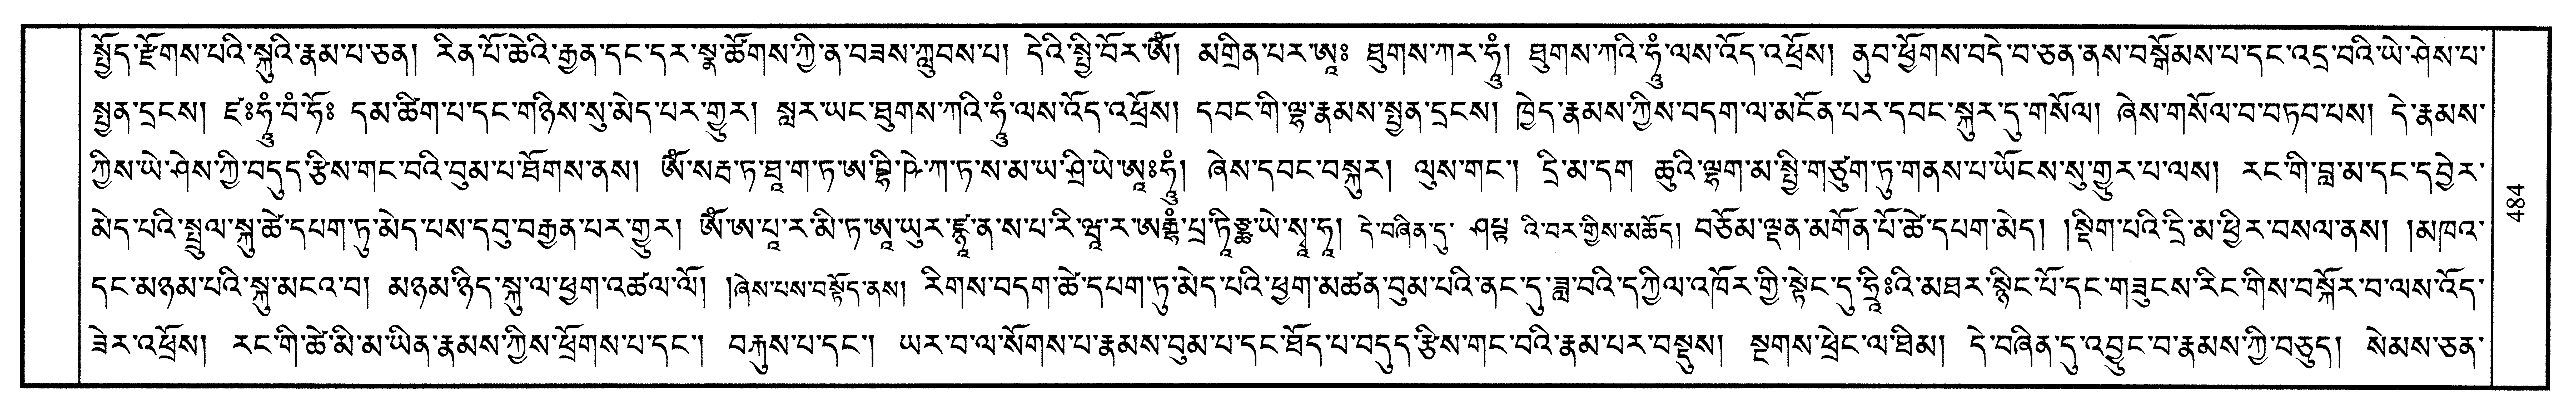སྤྱོད་རྫོགས་པའི་སྐུའི་རྣམ་པ་ཅན། རིན་པོ་ཆེའི་རྒྱན་དང་དར་སྣ་ཚོགས་ཀྱི་ན་བཟས་ཀླུབས་པ། དེའི་སྤྱི་བོར་ཨོཾ། མགྲིན་པར་ཨཱཿ ཐུགས་ཀར་ཧཱུཾ། ཐུགས་ཀའི་ཧཱུཾ་ལས་འོད་འཕྲོས། ནུབ་ཕྱོགས་བདེ་བ་ཅན་ནས་བསྒོམས་པ་དང་འདྲ་བའི་ཡེ་ཤེས་པ་
སྤྱན་དྲངས། ཛཿ ཧཱུཾ་བཾ་ཧོཿ དམ་ཚིག་པ་དང་གཉིས་སུ་མེད་པར་གྱུར། སླར་ཡང་ཐུགས་ཀའི་ཧཱུཾ་ལས་འོད་འཕྲོས། དབང་གི་ལྷ་རྣམས་སྤྱན་དྲངས། ཁྱེད་རྣམས་ཀྱིས་བདག་ལ་མངོན་པར་དབང་སྐུར་དུ་གསོལ། ཞེས་གསོལ་བ་བཏབ་པས། དེ་རྣམས་
ཀྱིས་ཡེ་ཤེས་ཀྱི་བདུད་རྩིས་གང་བའི་བུམ་པ་ཐོགས་ནས། ཨོཾ་སརྦ་ཏ་ཐཱ་ག་ཏ་ཨ་བྷི་ཥེ་ཀ་ཏ་ས་མ་ཡ་ཤྲི་ཡེ་ཨཱཿ ཧཱུཾ། ཞེས་དབང་བསྐུར། ལུས་གང་། དྲི་མ་དག །ཆུའི་ལྷག་མ་སྤྱི་གཙུག་ཏུ་གནས་པ་ཡོངས་སུ་གྱུར་པ་ལས། རང་གི་བླ་མ་དང་དབྱེར་
མེད་པའི་སྤྲུལ་སྐུ་ཚེ་དཔག་ཏུ་མེད་པས་དབུ་བརྒྱན་པར་གྱུར། ཨོཾ་ཨ་པཱ་ར་མི་ཏ་ཨཱ་ཡུར་ཛྙཱ་ན་ས་པ་རི་ཝཱ་ར་ཨརྒྷཾ་པྲ་ཏཱིཙྪ་ཡེ་སྭཱ་ཧཱ། དེ་བཞིན་དུ་ཤཔྟའི་བར་གྱིས་མཆོད། བཅོམ་ལྡན་མགོན་པོ་ཚེ་དཔག་མེད། །སྡིག་པའི་དྲི་མ་ཕྱིར་བསལ་ནས། །མཁའ་
དང་མཉམ་པའི་སྐུ་མངའ་བ། མཉམ་ཉིད་སྐུ་ལ་ཕྱག་འཚལ་ལོ། །ཞེས་པས་བསྟོད་ནས། རིགས་བདག་ཚེ་དཔག་ཏུ་མེད་པའི་ཕྱག་མཚན་བུམ་པའི་ནང་དུ་ཟླ་བའི་དཀྱིལ་འཁོར་གྱི་སྟེང་དུ་ཧྲཱིཿ འི་མཐར་སྙིང་པོ་དང་གཟུངས་རིང་གིས་བསྐོར་བ་ལས་འོད་
ཟེར་འཕྲོས། རང་གི་ཚེ་མི་མ་ཡིན་རྣམས་ཀྱིས་ཕྲོགས་པ་དང་། བརྐུས་པ་དང་། ཡར་བ་ལ་སོགས་པ་རྣམས་བུམ་པ་དང་ཐོད་པ་བདུད་རྩིས་གང་བའི་རྣམ་པར་བསྡུས། སྔགས་ཕྲེང་ལ་ཐིམ། དེ་བཞིན་དུ་འབྱུང་བ་རྣམས་ཀྱི་བཅུད། སེམས་ཅན་